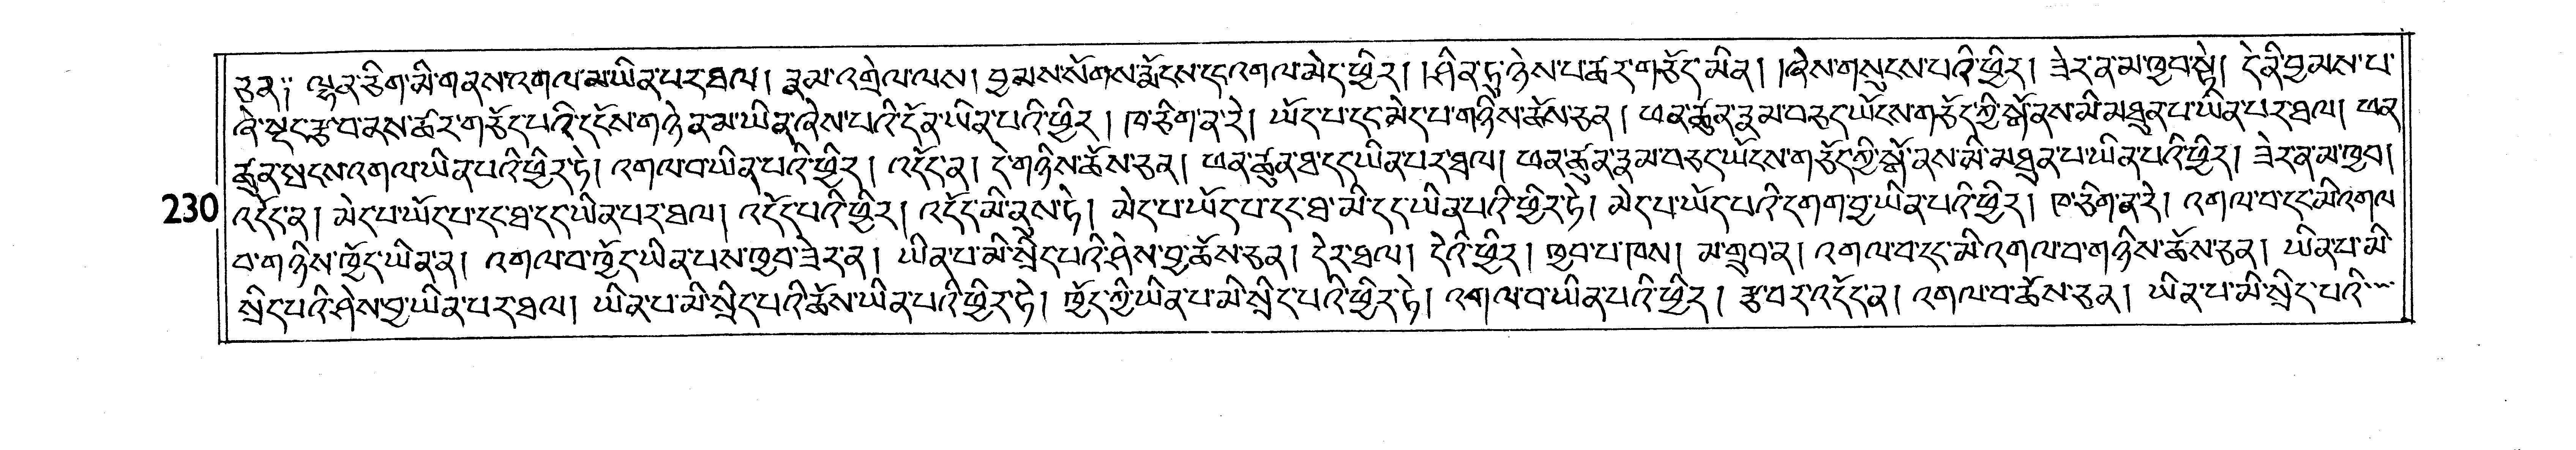ཅན༑ ལྷན་ཅིག་མི་གནས་འགལ་མ་ཡིན་པར་ཐལ། རྣམ་འགྲེལ་ལས། བྱམས་སོགས་རྨོངས་དང་འགལ་མེད་ཕྱིར། །ཤིན་ཏུ་ཉེས་པ་ཚར་གཅོད་མིན། །ཞེས་གསུངས་པའི་ཕྱིར། ཟེར་ན་མ་ཁྱབ་སྟེ། དེ་ནི་བྱམས་པ་
ཞེ་སྡང་རྩ་བ་ནས་ཚར་གཅོད་པའི་དངོས་གཉེན་མ་ཡིན་ཞེས་པའི་དོན་ཡིན་པའི་ཕྱིར། ཁ་ཅིག་ན་རེ། ཡོད་པ་དང་མེད་པ་གཉིས་ཆོས་ཅན། ཕན་ཚུན་རྣམ་བཅད་ཡོངས་གཅོད་ཀྱི་སྒོ་ནས་མི་མཐུན་པ་ཡིན་པར་ཐལ། ཕན་
ཚུན་སྤངས་འགལ་ཡིན་པའི་ཕྱིར་ཏེ། འགལ་བ་ཡིན་པའི་ཕྱིར། འདོད་ན། དེ་གཉིས་ཆོས་ཅན། ཕན་ཚུན་ཐ་དད་ཡིན་པར་ཐལ། ཕན་ཚུན་རྣམ་བཅད་ཡོངས་གཅོད་ཀྱི་སྒོ་ནས་མི་མཐུན་པ་ཡིན་པའི་ཕྱིར། ཟེར་ན་མ་ཁྱབ།
འདོད་ན། མེད་པ་ཡོད་པ་དང་ཐ་དད་ཡིན་པར་ཐལ། འདོད་པའི་ཕྱིར། འདོད་མི་ནུས་ཏེ། མེད་པ་ཡོད་པ་དང་ཐ་མི་དད་ཡིན་པའི་ཕྱིར་ཏེ། མེད་པ་ཡོད་པའི་དགག་བྱ་ཡིན་པའི་ཕྱིར། ཁ་ཅིག་ན་རེ། འགལ་བ་དང་མི་འགལ་
བ་གཉིས་ཁྱོད་ཡིན་ན། འགལ་བ་ཁྱོད་ཡིན་པས་ཁྱབ་ཟེར་ན། ཡིན་པ་མི་སྲིད་པའི་ཤེས་བྱ་ཆོས་ཅན། དེར་ཐལ། དེའི་ཕྱིར། ཁྱབ་པ་ཁས། མ་གྲུབ་ན། འགལ་བ་དང་མི་འགལ་བ་གཉིས་ཆོས་ཅན། ཡིན་པ་མི་
སྲིད་པའི་ཤེས་བྱ་ཡིན་པར་ཐལ། ཡིན་པ་མི་སྲིད་པའི་ཆོས་ཡིན་པའི་ཕྱིར་ཏེ། ཁྱོད་ཀྱི་ཡིན་པ་མི་སྲིད་པའི་ཕྱིར་ཏེ། འགལ་བ་ཡིན་པའི་ཕྱིར། རྩ་བར་འདོད་ན། འགལ་བ་ཆོས་ཅན། ཡིན་པ་མི་སྲིད་པའི་